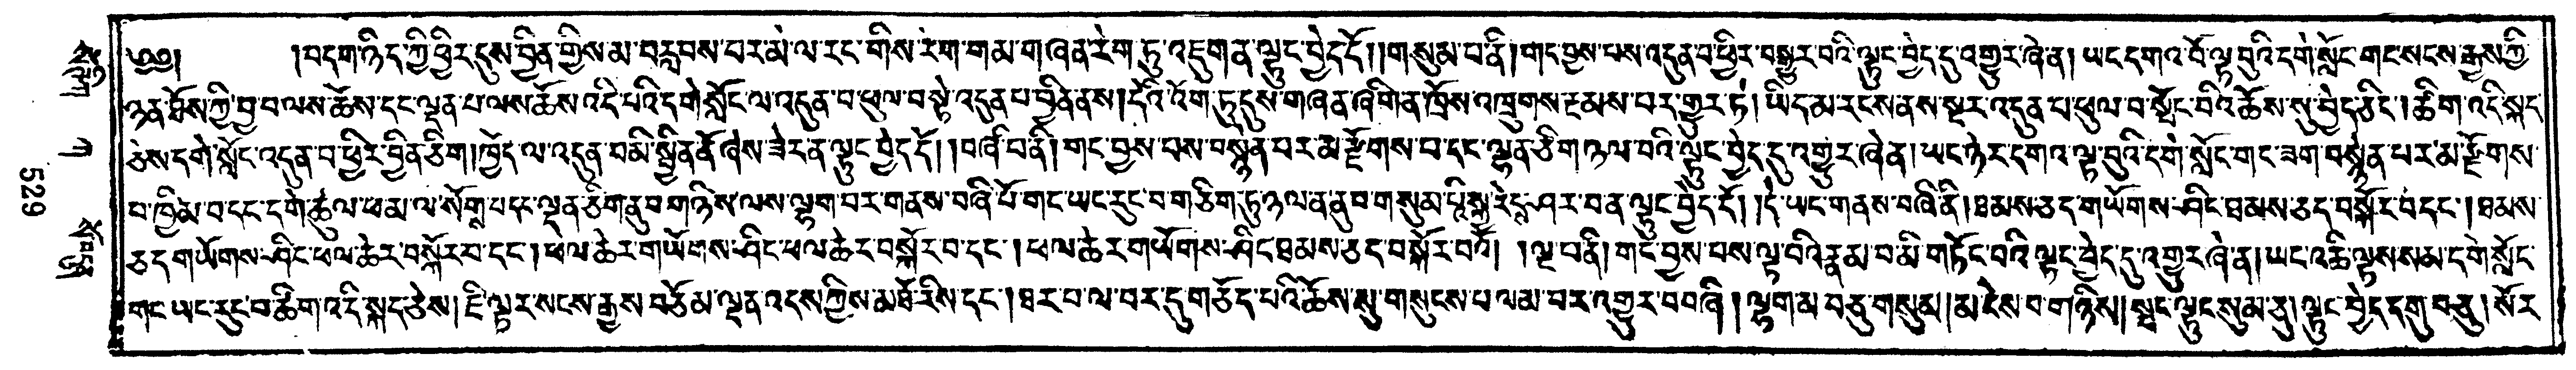༄༅། །བདག་ཉིད་ཀྱི་ཕྱིར་དུས་བྱིན་གྱིས་མ་བརླབས་པར་མེ་ལ་རང་གིས་རེག་གམ་གཞན་རེག་ཏུ་འཇུག་ན་ལྟུང་བྱེད་དོ། །གསུམ་པ་ནི། གང་བྱས་པས་འདུན་བ་ཕྱིར་བསྒྱུར་བའི་ལྟུང་བྱེད་དུ་འགྱུར་ཞེ་ན། ཡང་དགའ་བོ་ལྟ་བུའི་དགེ་སློང་གང་སངས་རྒྱས་ཀྱི་
ཉན་ཐོས་ཀྱི་བྱ་བ་ལས་ཆོས་དང་ལྡན་པ་ལས་ཆོས་འདི་པའི་དགེ་སློང་ལ་འདུན་པ་ཕུལ་བསྟེ་འདུན་པ་བྱིན་ནས། དེའི་འོག་ཏུ་དུས་གཞན་ཞིག་ན་ཁྲོས་འཁྲུགས་རྔམས་པར་གྱུར་ཏེ། ཡིད་མ་རངས་ནས་སྔར་འདུན་པ་ཕུལ་བ་སྤོང་བའི་ཆོས་སུ་བྱེད་ཅིང་། ཚིག་འདི་སྐད་
ཅེས་དགེ་སློང་འདུན་པ་ཕྱིར་བྱིན་ཅིག། ཁྱོད་ལ་འདུན་བ་མི་སྦྱིན་ནོ་ཞེས་ཟེར་ན་ལྟུང་བྱེད་དོ། །བཞི་པ་ནི། གང་བྱས་པས་བསྙེན་པར་མ་རྫོགས་པ་དང་ལྷན་ཅིག་ཉལ་བའི་ལྟུང་བྱེད་དུ་འགྱུར་ཞེན། ཡང་ཉེར་དགའ་ལྟ་བུའི་དགེ་སློང་གང་ཟག་བསྙེན་པར་མ་རྫོགས་
པ་ཁྱིམ་བ་དང་དགེ་ཚུལ་ཕ་མ་ལ་སོགས་པ་དང་ལྡན་ཅིག་ནུབ་གཉིས་ལས་ལྷག་བར་གནས་བཞི་པོ་གང་ཡང་རུང་བ་གཅིག་ཏུ་ཉལ་ན་ནུབ་གསུམ་པཱི་སྐྱ་རེངས་ཤར་བ་ན་ལྟུང་བྱེད་དོ། །དེ་ཡང་གནས་བཞི་ནི། ཐམས་ཅད་གཡོགས་ཤིང་ཐམས་ཅད་བསྐོར་བ་དང་། ཐམས་
ཅད་གཡོགས་ཤིང་ཕལ་ཆེར་བསྐོར་བ་དང་། ཕལ་ཆེར་གཡོགས་ཤིང་ཕལ་ཆེར་བསྐོར་བ་དང་། ཕལ་ཆེར་གཡོགས་ཤིང་ཐམས་ཅད་བསྐོར་བའོ། །ལྔ་པ་ནི། གང་བྱས་པས་ལྟ་བའི་རྣམ་བ་མི་གཏོང་བའི་ལྟང་བྱེད་དུ་འགྱུར་ཞེ་ན། ཡང་འཆི་ལྟས་སམ་དགེ་སློང་
གང་ཡང་རུང་བ་ཚིག་འདི་སྐད་ཅེས། ཇི་ལྟར་སངས་རྒྱས་བཅོམ་ལྡན་འདས་ཀྱིས་མཐོ་རིས་དང་། ཐར་པ་ལ་བར་དུ་གཅོད་པའི་ཆོས་སུ་གསུངས་པ་ལམ་བར་འགྱུར་བ་བཞི། ལྷག་མ་བཅུ་གསུམ། མ་ངེས་བ་གཉིས། སྤང་ལྟུང་སུམ་ཅུ། ལྟུང་བྱེད་དགུ་བཅུ། སོར་